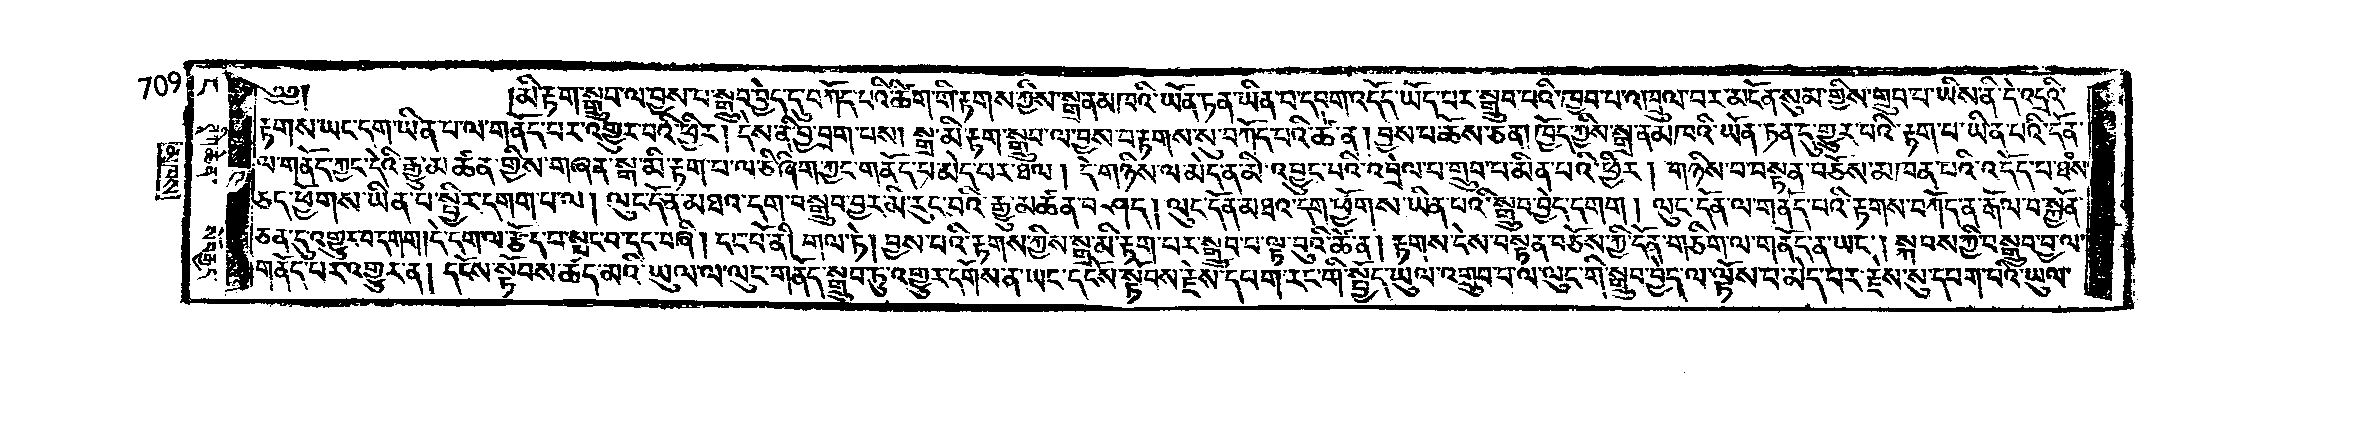༄༅། །མི་རྟག་སྒྲུབ་ལ་བྱས་པ་སྒྲུབ་བྱེད་དུ་བཀོད་པའི་ཚིག་གི་རྟགས་ཀྱིས་སྒྲ་ནམ་མཁའི་ཡོན་ཏན་ཡིན་པ་དཔག་འདོད་ཡོད་པར་སྒྲུབ་པའི་ཁྱབ་པ་འཁྲུལ་བར་མངོན་སུམ་གྱིས་གྲུབ་པ་ཡིས་ནི་དེ་འདྲའི་
རྟགས་ཡང་དག་ཡིན་པ་ལ་གནོད་པར་འགྱུར་བའི་ཕྱིར། དེས་ནི་བྱེ་བྲག་པས། སྒྲ་མི་རྟག་སྒྲུབ་ལ་བྱས་པ་རྟགས་སུ་བཀོད་པའི་ཚེ་ན། བྱས་པ་ཆོས་ཅན། ཁྱོད་ཀྱིས་སྒྲ་ནམ་མཁའི་ཡོན་ཏན་དུ་གྱུར་པའི་རྟག་པ་ཡིན་པའི་དོན་
ལ་གནོད་ཀྱང་དེའི་རྒྱུ་མཚན་གྱིས་གཞན་སྒྲ་མི་རྟག་པ་ལ་ཅི་ཞིག་ཀྱང་གནོད་པ་མེད་པར་ཐལ། དེ་གཉིས་ལ་མེད་ན་མི་འབྱུང་བའི་འབྲེལ་བ་གྲུབ་པ་མིན་པའི་ཕྱིར། གཉིས་པ་བསྟན་བཅོས་མཁན་པའི་འདོད་པ་ཐམས་
ཅད་ཕྱོགས་ཡིན་པ་སྤྱིར་དགག་པ་ལ། ལུང་དོན་མཐའ་དག་བསྒྲུབ་བྱར་མི་རུང་བའི་རྒྱུ་མཚན་བཤད། ལུང་དོན་མཐའ་དག་ཕྱོགས་ཡིན་པའི་སྒྲུབ་བྱེད་དགག། ལུང་དོན་ལ་གནོད་པའི་རྟགས་བཀོད་ན་རྒོལ་བ་སྐྱོན་
ཅན་དུ་འགྱུར་བ་དགག། དེ་དག་ལ་རྩོད་པ་སྤང་བ་དང་བཞི། དང་པོ་ནི། གལ་ཏེ། བྱས་པའི་རྟགས་ཀྱིས་སྒྲ་མི་རྟགས་པར་སྒྲུབ་པ་ལྟ་བུའི་ཚེ་ན། རྟགས་དེས་བསྟན་བཅོས་ཀྱི་དོན་གཅིག་ལ་གནོད་ན་ཡང་། སྐབས་ཀྱི་བསྒྲུབ་བྱ་ལ་
གནོད་པར་འགྱུར་ན། དངོས་སྟོབས་ཚད་མའི་ཡུལ་ལ་ལུང་གནོད་སྒྲུབ་ཏུ་འགྱུར་དགོས་ན་ཡང་དངོས་སྟོབས་རྗེས་དཔག་རང་གི་སྤྱོད་ཡུལ་འགྲུབ་པ་ལ་ལུང་གི་སྒྲུབ་བྱེད་ལ་ལྟོས་པ་མེད་པར་རྗེས་སུ་དཔག་པའི་ཡུལ་